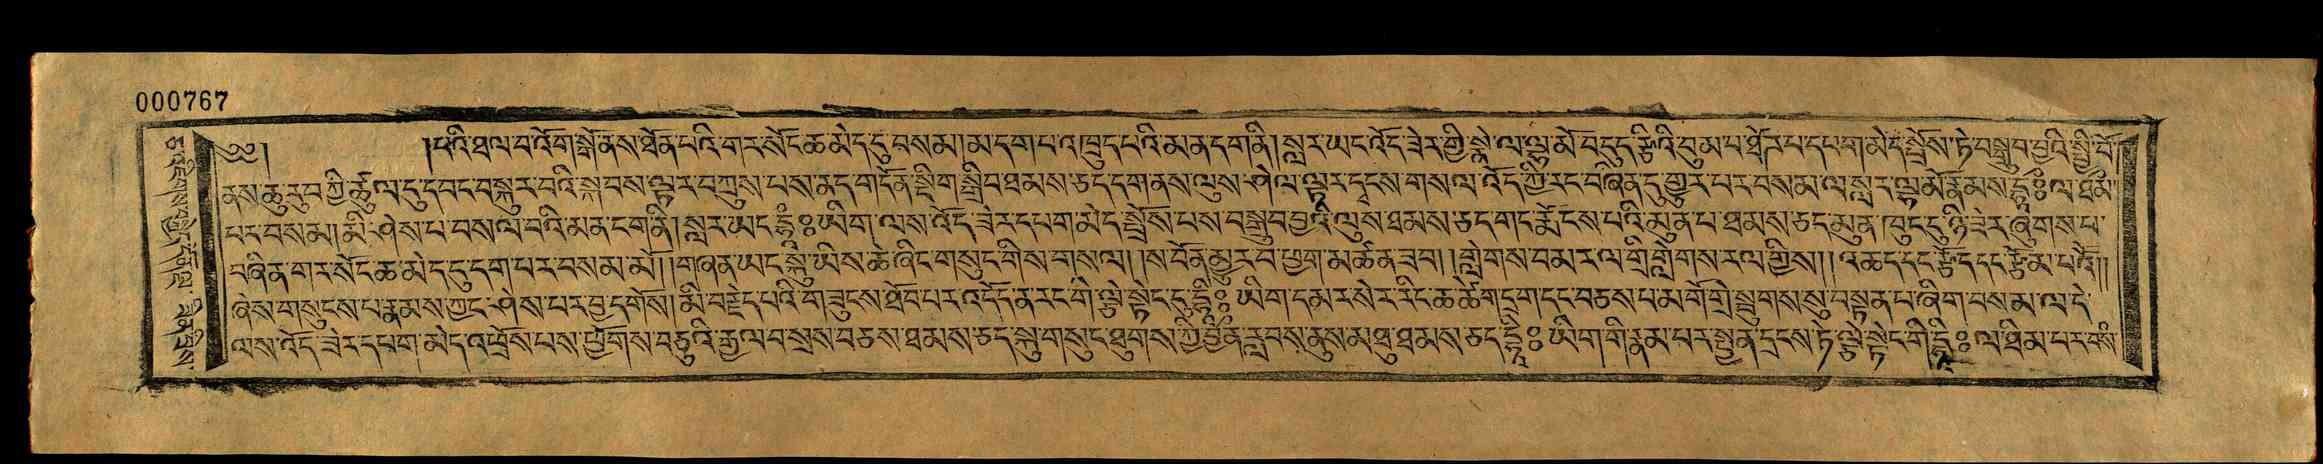༄༅། །པའི་ཐལ་བ་འོག་སྒོ་ནས་ཐོན་པའི་གར་སོང་ཆ་མེད་དུ་བསམ། མ་དག་པ་འཁྲུད་པའི་མན་ངག་ནི། སླར་ཡང་འོད་ཟེར་གྱི་སྣེ་ལ་ལྷ་མོ་བདུད་རྩིའི་བུམ་པ་ཐོགས་པ་དཔག་མེད་སྤྲོས་ཏེ་བསྒྲུབ་བྱའི་སྤྱི་བོ་
ནས་ཆུ་རུབ་ཀྱི་ཚུལ་དུ་དབང་བསྐུར་བའི་སྐབས་ལྟར་བཀྲུས་པས་ནད་གདོན་སྡིག་སྒྲིབ་ཐམས་ཅད་དག་ནས་ལུས་ཤེལ་ལྟར་དྭངས་གསལ་འོད་ཀྱི་རང་བཞིན་དུ་གྱུར་པར་བསམ་ལ་སླར་ལྷ་མོ་རྣམས་དྷཱིཿ ལ་ཐིམ་
པར་བསམ། མི་ཤེས་པ་བསལ་བའི་མན་ངག་ནི། སླར་ཡང་དྷཱིཿ ཡིག་ལས་འོད་ཟེར་དཔག་མེད་སྤྲོས་པས་བསྒྲུབ་བྱའི་ལུས་ཐམས་ཅད་གང་རྨོངས་པའི་མུན་པ་ཐམས་ཅད་མུན་ཁུང་དུ་ཉི་ཟེར་ཞུགས་པ་
བཞིན་གར་སོང་ཆ་མེད་དུ་དག་པར་བསམ་མོ། །གཞན་ཡང་སྐུ་ཡིས་ཆེ་ཞིང་གསུང་གིས་གསལ། །ས་བོན་མྱུར་བ་ཕྱག་མཚན་ཟབ། །གླེགས་བམ་རལ་གྲི་གླེགས་རལ་གྱིས། །འཆང་དང་རྩོད་དང་རྩོམ་པའོ།།
ཞེས་གསུངས་པ་རྣམས་ཀྱང་ཤེས་པར་བྱ་དགོས། མི་བརྗེད་པའི་གཟུངས་ཐོབ་པར་འདོད་ན་རང་གི་ལྕེ་སྟེང་དུ་དྷཱིཿ ཡིག་དམར་སེར་རིང་ཆ་ཚེག་དྲག་དང་བཅས་པ་མགོ་གྲེ་སྦུགས་སུ་བསྟན་པ་ཞིག་བསམ་ལ་དེ་
ལས་འོད་ཟེར་དཔག་མེད་འཕྲོས་པས་ཕྱོགས་བཅུའི་རྒྱལ་བ་སྲས་བཅས་ཐམས་ཅིདྱ་སྐུ་གསུང་ཐུགས་ཀྱི་བྱིན་རླབས་ནུས་མཐུ་ཐམས་ཅད་དྷཱིཿ ཡིག་གི་རྣམ་པར་སྤྱན་དྲངས་ཏེ་ལྕེ་སྟེང་གི་དྷཱིཿ ལ་ཐིམ་པར་བསམ་